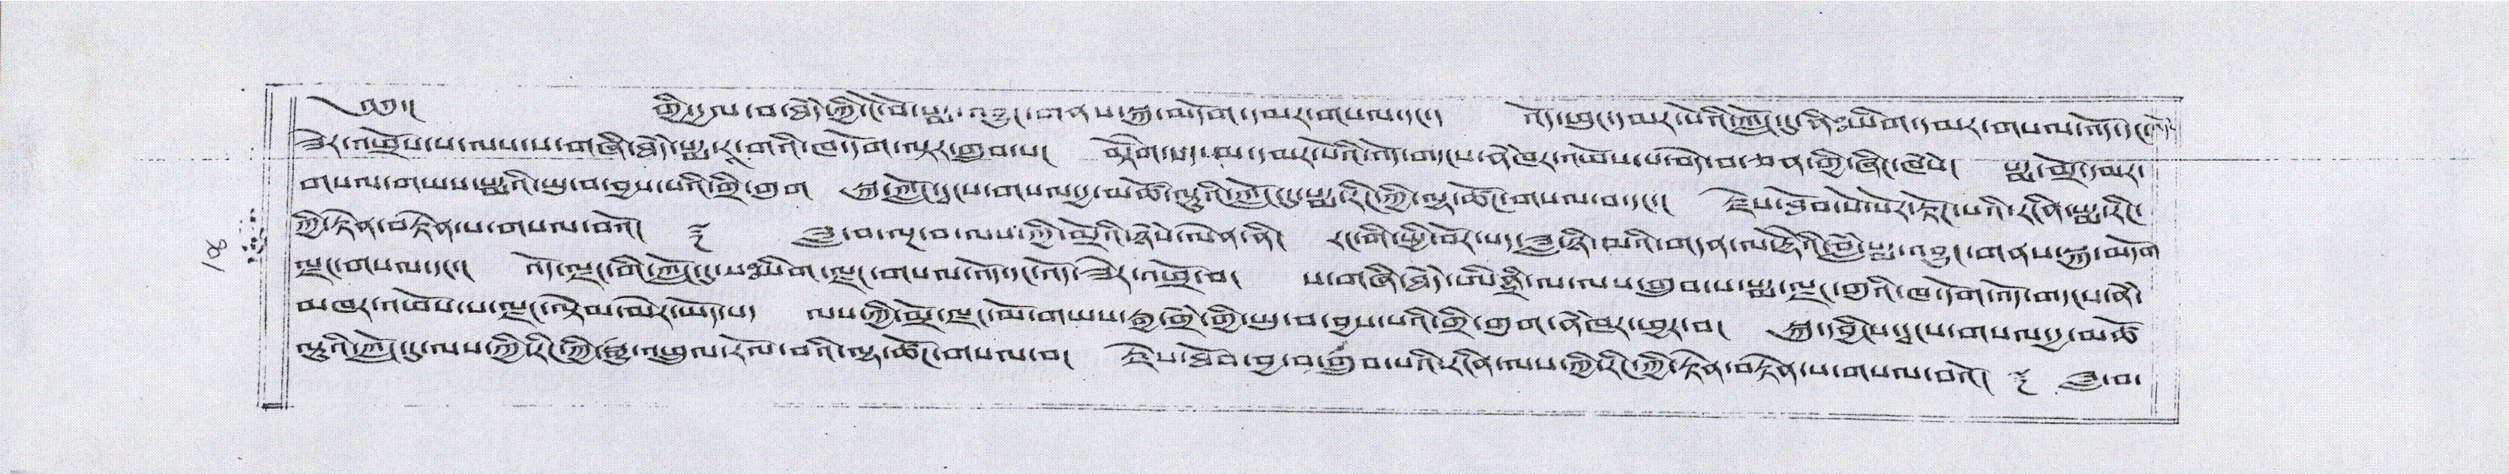གྱི་རྒྱལ་བ་ཐམས་ཅད་ཀྱི་ངོ་བོ་པདྨ་འབྱུང་གནས་སྐུ་མདོག་དམར་གསལ་དང། འོད་ཕུང་དམར་པོའི་ཀློང་དུ་ནིཿཡིག་དམར་གསལ་འོད་དང་
ཟེར་འཕྲོས་པ་ལས་ས་གཞི་ཐམས་ཅད་པདྨ་རཱ་གའི་ཁ་དོག་ལྟར་གྲུབ་པ། མེ་ཏོག་པད་མ་དམར་པོའི་འོད་གདངས་ནམ་མཁར་འཕོས་པ་བདེ་བ་ཅན་གྱི་ཞིང་ཁམས། པདྨ་མཁའ་འགྲོ་དམར་
གསལ་གཡས་པདྨའི་ཡུ་བ་བྱས་པའི་གྲི་གུག སྐུ་ཀློང་དྭངས་གསལ་རྒྱ་མཚོ་ལྟ་བུའི་ཀློང་དུ་པདྨ་རིགས་ཀྱི་ལྷ་ཚོགས་གསལ་བ་དང། རྗེས་ཐོབ་སོ་སོར་རྟོགས་པའི་རང་བཞིན་པདྨ་རིགས་
ཀྱི་རྟེན་བརྟེན་པ་གསལ་བའོ། ༑ ཟླ་བ་ལྔ་པ་ལས་ཀྱི་མཁའ་འགྲོའི་ཉམས་ལེན་ནི། རང་གི་སྤྱི་བོར་པད་ཟླ་ཉི་མའི་གདན་ལ་རྡོ་རྗེའི་བླ་མ་པདྨ་འབྱུང་གནས་སྐུ་མདོག་
ལྗང་གསལ་དང། འོད་ལྗང་གི་ཀློང་དུ་སཿཡིག་ལྗང་གསལ་འོད་དང་འོད་ཟེར་འཕྲོ་བ། ས་གཞི་ཐམས་ཅད་ཨིནྟྲི་ལ་ལས་གྲུབ་པ་པདྨ་ལྗང་གུའི་ཁ་དོག་འོད་གདངས་ནམ་
མཁར་འཕོས་པ་ལྗང་ལྟེམ་མེར་ཡོད་པ། ལས་ཀྱི་མཁའ་འགྲོ་ལྗང་མོ་གཡས་རྒྱ་གྲམ་གྱི་ཡུ་བ་བྱས་པའི་གྲི་གུག་ནམ་མཁར་ཕྱར་བ། སྐུ་དབྱིངས་དྭངས་གསལ་རྒྱ་མཚོ་
ལྟ་བུའི་ཀློང་དུ་ལས་ཀྱི་རིགས་ཀྱི་སྒྱུ་འཕྲུལ་རོལ་བའི་ལྷ་ཚོགས་གསལ་བ། རྗེས་ཐོབ་བྱ་བ་གྲུབ་པའི་རང་བཞིན་ལས་ཀྱི་རིགས་ཀྱི་རྟེན་བརྟེན་པ་གསལ་བའོ། ༑ ཟླ་བ་